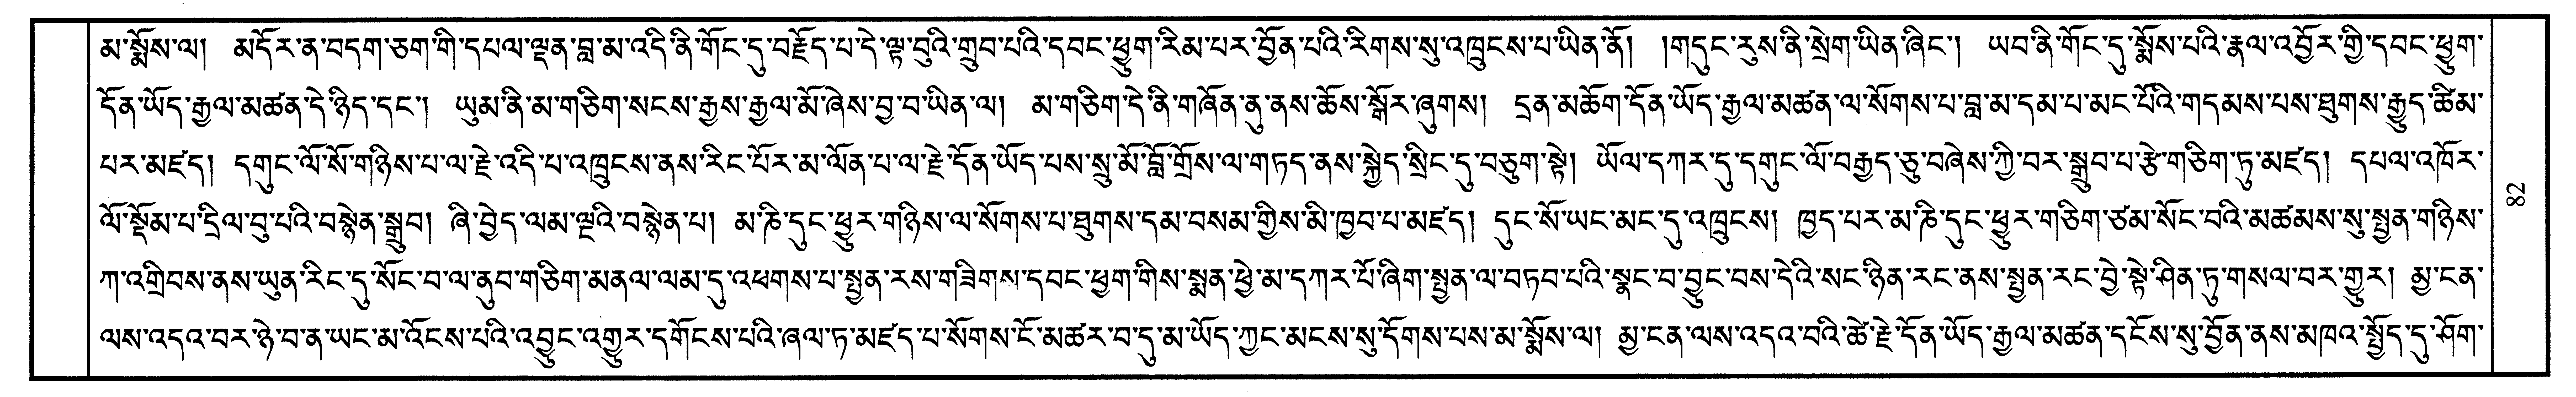མ་སྨོས་ལ། མདོར་ན་བདག་ཅག་གི་དཔལ་ལྡན་བླ་མ་འདི་ནི་གོང་དུ་བརྗོད་པ་དེ་ལྟ་བུའི་གྲུབ་པའི་དབང་ཕྱུག་རིམ་པར་བྱོན་པའི་རིགས་སུ་འཁྲུངས་པ་ཡིན་ནོ། །གདུང་རུས་ནི་སྲེག་ཡིན་ཞིང་། ཡབ་ནི་གོང་དུ་སྨོས་པའི་རྣལ་འབྱོར་གྱི་དབང་ཕྱུག་
དོན་ཡོད་རྒྱལ་མཚན་དེ་ཉིད་དང་། ཡུམ་ནི་མ་གཅིག་སངས་རྒྱས་རྒྱལ་མོ་ཞེས་བྱ་བ་ཡིན་ལ། མ་གཅིག་དེ་ནི་གཞོན་ནུ་ནས་ཆོས་སྒོར་ཞུགས། དྲན་མཆོག་དོན་ཡོད་རྒྱལ་མཚན་ལ་སོགས་པ་བླ་མ་དམ་པ་མང་པོའི་གདམས་པས་ཐུགས་རྒྱུད་ཚིམ་
པར་མཛད། དགུང་ལོ་སོ་གཉིས་པ་ལ་རྗེ་འདི་པ་འཁྲུངས་ནས་རིང་པོར་མ་ལོན་པ་ལ་རྗེ་དོན་ཡོད་པས་སྲུ་མོ་བློ་གྲོས་ལ་གཏད་ནས་སྐྱེད་སྲིང་དུ་བཅུག་སྟེ། ཡོལ་དཀར་དུ་དགུང་ལོ་བརྒྱད་ཅུ་བཞེས་ཀྱི་བར་སྒྲུབ་པ་རྩེ་གཅིག་ཏུ་མཛད། དཔལ་འཁོར་
ལོ་སྡོམ་པ་དྲིལ་བུ་པའི་བསྙེན་སྒྲུབ། ཞི་བྱེད་ལམ་ལྔའི་བསྙེན་པ། མ་ཎི་དུང་ཕྱུར་གཉིས་ལ་སོགས་པ་ཐུགས་དམ་བསམ་གྱིས་མི་ཁྱབ་པ་མཛད། དུང་སོ་ཡང་མང་དུ་འཁྲུངས། ཁྱད་པར་མ་ཎི་དུང་ཕྱུར་གཅིག་ཙམ་སོང་བའི་མཚམས་སུ་སྤྱན་གཉིས་
ཀ་འགྲིབས་ནས་ཡུན་རིང་དུ་སོང་བ་ལ་ནུབ་གཅིག་མནལ་ལམ་དུ་འཕགས་པ་སྤྱན་རས་གཟིགས་དབང་ཕྱག་གིས་སྨན་ཕྱེ་མ་དཀར་པོ་ཞིག་སྤྱན་ལ་བཏབ་པའི་སྣང་བ་བྱུང་བས་དེའི་སང་ཉིན་རང་ནས་སྤྱན་རང་བྱེ་སྟེ་ཤིན་ཏུ་གསལ་བར་གྱུར། མྱ་ངན་
ལས་འདའ་བར་ཉེ་བ་ན་ཡང་མ་འོངས་པའི་འབྱུང་འགྱུར་དགོངས་པའི་ཞལ་ཏ་མཛད་པ་སོགས་ངོ་མཚར་བ་དུ་མ་ཡོད་ཀྱང་མངས་སུ་དོགས་པས་མ་སྨོས་ལ། མྱ་ངན་ལས་འདའ་བའི་ཚེ་རྗེ་དོན་ཡོད་རྒྱལ་མཚན་དངོས་སུ་བྱོན་ནས་མཁའ་སྤྱོད་དུ་ཤོག་